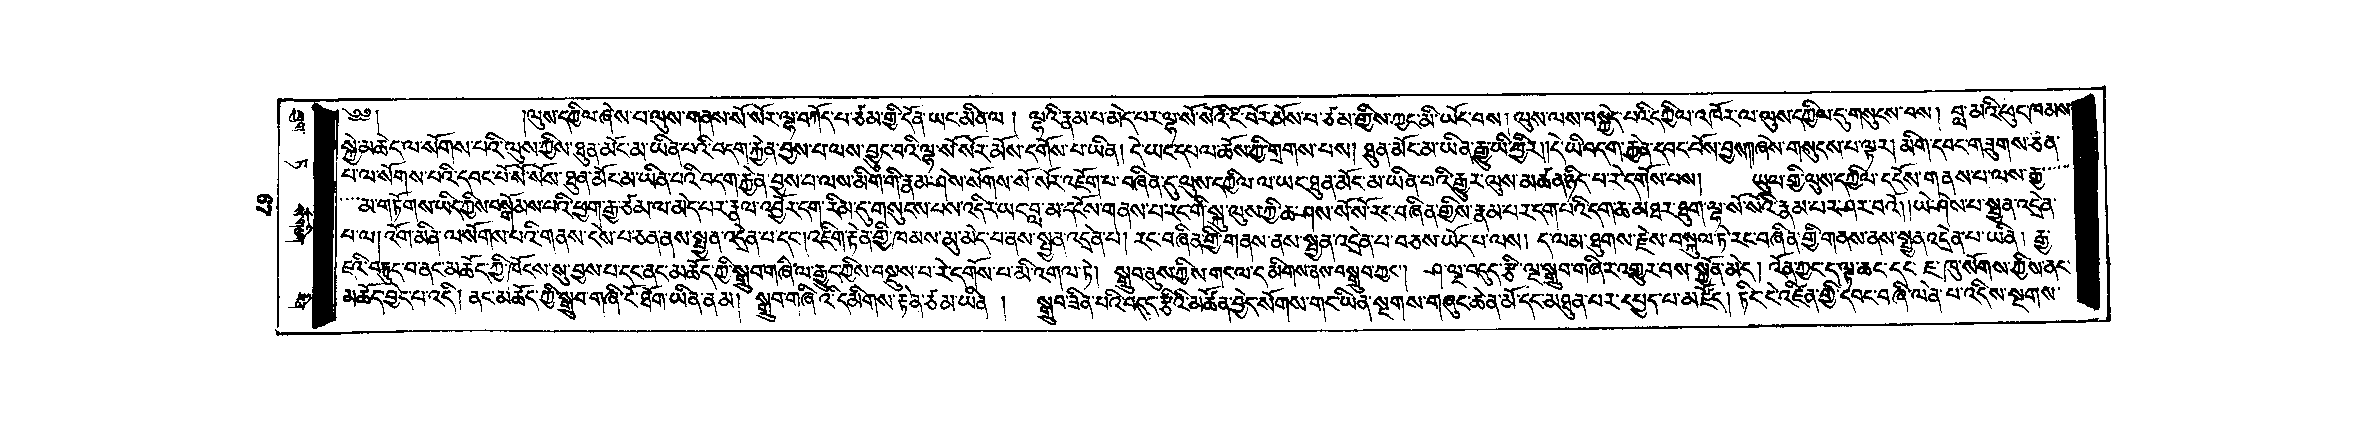༄༅། །ལུས་དཀྱིལ་ཞེས་པ་ལུས་གནས་སོ་སོར་ལྷ་བཀོད་པ་ཙམ་གྱི་དོན་ཡང་མིན་ལ། ལྷའི་རྣམ་པ་མེད་པར་ལྷ་སོ་སོའི་ངོ་བོར་མོས་པ་ཙམ་གྱིས་ཀྱང་མི་ཡོང་བས། ལུས་ལས་བསྐྱེད་པའི་དཀྱིལ་འཁོར་ལ་ལུས་དཀྱིལ་དུ་གསུངས་པས། བླ་མའི་ཕུང་ཁམས་
སྐྱེ་མཆེད་ལ་སོགས་པའི་ལུས་ཀྱིས་ཐུན་མོང་མ་ཡིན་པའི་བདག་རྐྱེན་བྱས་པ་ལས་བྱུང་བའི་ལྷ་སོ་སོར་མོས་དགོས་པ་ཡིན། དེ་ཡང་དཔལ་ཆོས་ཀྱི་གྲགས་པས། ཐུན་མོང་མ་ཡིན་རྒྱུ་ཡི་ཕྱིར། །དེ་ཡི་བདག་རྐྱེན་དབང་པོས་བྱས། །ཞེས་གསུངས་པ་ལྟར། མིག་དབང་གཟུགས་ཅན་
པ་ལ་སོགས་པའི་དབང་པོ་སོ་སོས་ཐུན་མོང་མ་ཡིན་པའི་བདག་རྐྱེན་བྱས་པ་ལས་མིག་གི་རྣམ་ཤེས་སོགས་སོ་སོར་འཇོག་པ་བཞིན་དུ་ལུས་དཀྱིལ་ལ་ཡང་ཐུན་མོང་མ་ཡིན་པའི་རྒྱུར་ལུས་མཚན་ཉིད་པ་རེ་དགོས་པས། ཡུལ་གྱི་ལུས་དཀྱིལ་དངོས་གནས་པ་ལས་རྒྱ་
མ་གཏོགས་ཡིད་ཀྱིས་བསྒོམས་པའི་ཕྱག་རྒྱ་ཙམ་ལ་མེད་པར་རྣལ་འབྱོར་དག་རིམ་དུ་གསུངས་པས་འདིར་ཡང་བླ་མ་དངོས་གནས་པ་རང་གི་སྐུ་ལུས་ཀྱི་ཆ་ཤས་སོ་སོ་རང་བཞིན་གྱིས་རྣམ་པར་དག་པའི་དག་ཆ་མཐར་ཐུག་ལྷ་སོ་སོའི་རྣམ་པར་ཤར་བའོ། །ཡེ་ཤེས་པ་སྤྱན་འདྲེན་
པ་ལ། འོག་མིན་ལ་སོགས་པའི་གནས་ངེས་པ་ཅན་ནས་སྤྱན་འདྲེན་པ་དང་། འཇིག་རྟེན་གྱི་ཁམས་མུ་མེད་པ་ནས་སྤྱན་འདྲེན་པ། རང་བཞིན་གྱི་གནས་ནས་སྤྱན་འདྲེན་པ་བཅས་ཡོད་པ་ལས། ད་ལམ་ཐུགས་རྗེས་བསྐུལ་ཏེ་རང་བཞིན་གྱི་གནས་ནས་སྤྱན་འདྲེན་པ་ཡིན། རྒྱ་
ཇའི་བཏུང་བ་ནང་མཆོད་ཀྱི་ཁོངས་སུ་བྱས་པ་དང་ནང་མཆོད་ཀྱི་སྒྲུབ་གཞི་ལ་རྒྱུད་ཀྱིས་བསྡུས་པ་རེ་དགོས་པ་མི་འགལ་ཏེ། སྒྲུབ་ནུས་ཀྱིས་གང་ལ་དམིགས་ནས་བསྒྲུབ་ཀྱང་། ཤ་ལྔ་བདུད་རྩི་ལྔ་སྒྲུབ་གཞིར་འགྱུར་བས་སྐྱོན་མེད། འོན་ཀྱང་ད་ལྟ་ཆང་དང་ཇ་ཁུ་སོགས་ཀྱིས་ནང་
མཆོད་བྱེད་པ་འདི། ནང་མཆོད་ཀྱི་སྒྲུབ་གཞི་ངོ་ཐོག་ཡིན་ནམ། སྒྲུབ་གཞིའི་དམིགས་རྟེན་ཙམ་ཡིན། སྒྲུབ་ཟིན་པའི་བདུད་རྩིའི་མཚོན་བྱེད་སོགས་གང་ཡིན་སྔགས་གཞུང་ཆེན་མོ་དང་མཐུན་པར་དཔྱད་པ་མཛོད། ཏིང་ངེ་འཛིན་གྱི་དབང་བཞི་ལེན་པ་འདིས་སྔགས་